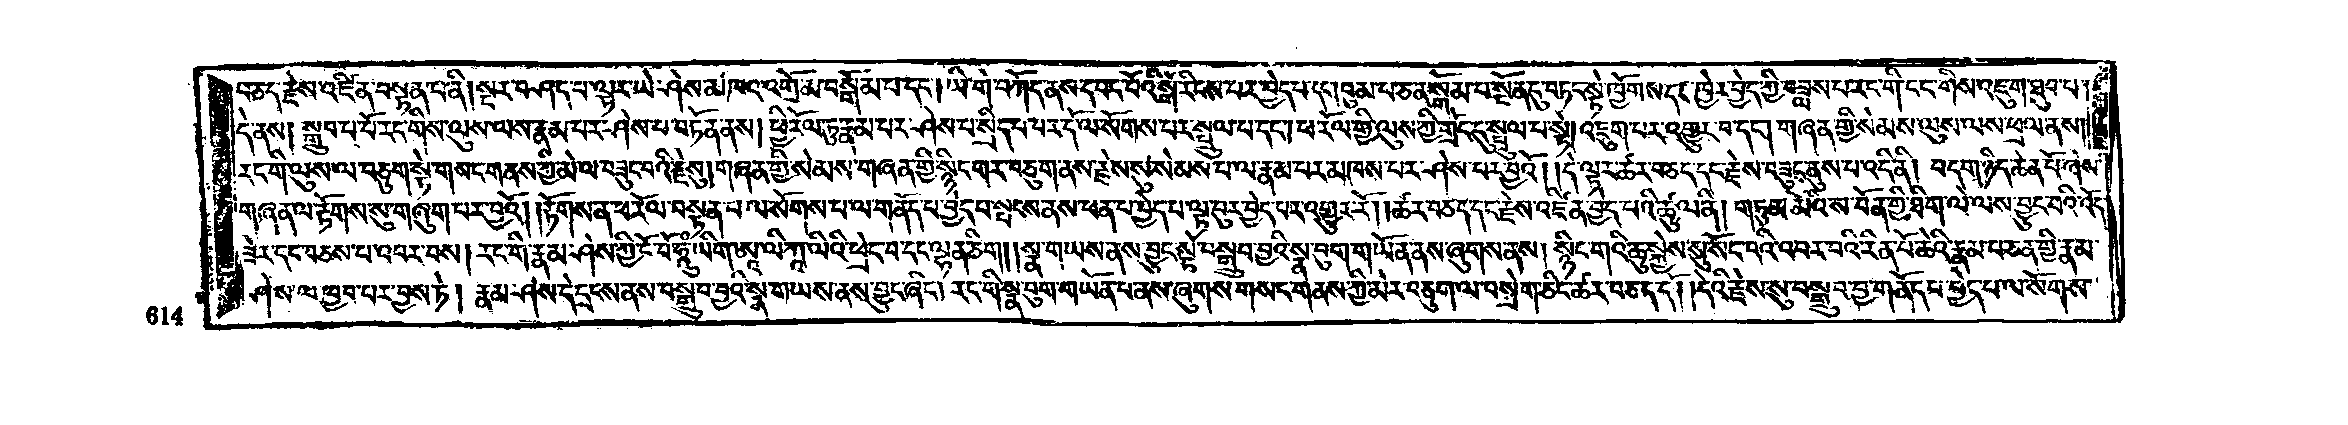བཅད་རྗེས་འཛིན་བསྟན་པ་ནི། སྔར་བཤད་པ་ལྟར་ཡེ་ཤེས་མཁའ་འགྲོ་མ་བསྒོམ་པ་དང་། ཡི་གེ་བཀོད་ནས་དབང་པོའི་སྒོ་རིངས་པར་བྱེད་པ་དང་། བུམ་པ་ཅན་སྒོམ་པ་སྔོན་དུ་བཏང་སྟེ་ཁྱོགས་དང་ཁྱེར་བྱེད་ཀྱི་བཟླས་པ་རང་གི་ངང་གིས་འཇུག་ཐུབ་པ་
དེ་ནས། སྒྲུབ་པ་པོ་རང་གིས་ལུས་ལས་རྣམ་པར་ཤེས་པ་བཏོན་ནས། ཕྱི་རོལ་ཏུ་རྣམ་པར་ཤེས་པ་སྲིད་པ་བར་དོ་ལ་སོགས་པར་སྤྲུལ་པ་དང་། ཕ་རོལ་གྱི་ལུས་ཀྱི་གྲོང་དུ་སྤྲུལ་པ་སྟེ། འཇུག་པར་འགྱུར་བ་དང་། གཞན་གྱི་སེམས་ལུས་ལས་ཕྲལ་ནས།
རང་གི་ལུས་ལ་བཅུག་སྟེ་གསང་གནས་ཀྱི་མེ་ལ་བཟུང་བའི་རྗེས་སུ། གཞན་གྱི་སེམས་གཞན་གྱི་སྙིང་གར་བཅུག་ནས་རྗེས་སུ་སེམས་པ་ལ་རྣམ་པར་མཁས་པར་ཤེས་པར་བྱའོ། །དེ་ལྟར་ཚར་བཅད་དང་རྗེས་བཟུང་ནུས་པ་འདི་ནི། བདག་ཉིད་ཆེན་པོ་ཞེས་
གཞན་ལ་རྟོགས་སུ་གཞུག་པར་བྱའོ། །རྟོགས་ན་ཕ་རོལ་བསྟན་པ་ལ་སོགས་པ་ལ་གནོད་པ་བྱེད་པ་སྤངས་ནས་ཕན་པ་བྱེད་པ་ལྟ་བུར་བྱེད་པར་འགྱུར་རོ། །ཚར་བཅད་དང་རྗེས་འཛིན་བྱེད་པའི་ཚུལ་ནི། གཏུམ་མོའི་ས་བོན་གྱི་ཐིག་ལེ་ལས་བྱུང་བའི་འོད་
ཟེར་དང་བཅས་པ་འབར་བས། རང་གི་རྣམ་ཤེས་ཀྱི་ངོ་བོ་ཧཱུཾ་ཡིག་ཨཱ་ལི་ཀཱ་ལིའི་ཕྲེང་བ་དང་ལྷན་ཅིག །སྣ་གཡས་ནས་བྱུང་སྟེ་བསྒྲུབ་བྱའི་སྣ་བུག་གཡོན་ནས་ཞུགས་ནས། སྙིང་གའི་ཆུ་སྐྱེས་སུ་སོང་བའི་འབར་བའི་རིན་པོ་ཆེའི་རྣམ་པ་ཅན་གྱི་རྣམ་
ཤེས་ལ་ཁྱབ་པར་བྱས་ཏེ། རྣམ་ཤེས་དེ་དྲངས་ནས་བསྒྲུབ་བྱའི་སྣ་གཡས་ནས་བྱུང་ཞིང་། རང་གི་སྣ་བུག་གཡོན་པ་ནས་ཞུགས་གསང་གནས་ཀྱི་མེར་བཅུག་ལ་བསྲེག་ཅིང་ཚར་བཅད་དོ། །དེའི་རྗེས་སུ་བསྒྲུབ་བྱ་གནོད་པ་བྱེད་པ་ལ་སོགས་